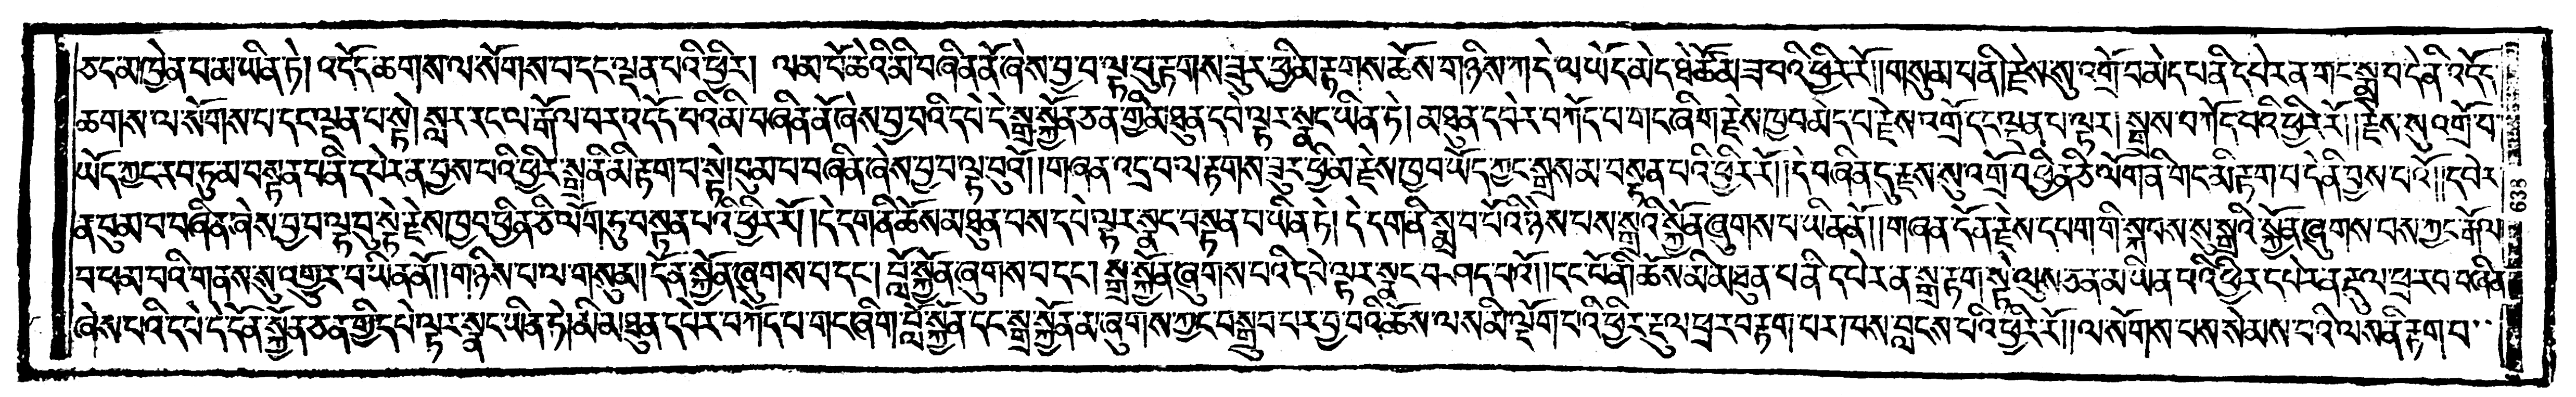ཅད་མཁྱེན་པ་མ་ཡིན་ཏེ། འདོད་ཆགས་ལ་སོགས་པ་དང་ལྡན་པའི་ཕྱིར། ལམ་བོ་ཆེའི་མི་བཞིན་ནོ་ཞེས་བྱ་བ་ལྟ་བུ་རྟགས་ཟུར་ཕྱི་མ་རྟགས་ཆོས་གཉིས་ཀ་དེ་ལ་ཡོད་མེད་ཐེ་ཚོམ་ཟ་བའི་ཕྱིར་རོ། །གསུམ་པ་ནི། རྗེས་སུ་འགྲོ་བ་མེད་པ་ནི་དཔེར་ན་གང་སྨྲ་བ་དེ་ནི་འདོད་
ཆགས་ལ་སོགས་པ་དང་ལྡན་པ་སྟེ། སླར་རང་ལ་རྒོལ་བར་འདོད་བའི་མི་བཞིན་ནོ་ཞེས་བྱ་བའི་དཔེ་དེ་སྒྲ་སྐྱོན་ཅན་གྱི་མཐུན་དབེ་ལྟར་སྣང་ཡིན་ཏེ། མཐུན་དབེར་བཀོད་པ་གང་ཞིག་རྗེས་ཁྱབ་མེད་པ་རྗེས་འགྲོ་དང་ལྡན་པ་ལྟར། སྒྲས་བཀོད་བའི་ཕྱིར་རོ། །རྗེས་སུ་འགྲོ་བ་
ཡོད་ཀྱང་རབ་ཏུ་མ་བསྟན་པ་ནི་དཔེར་ན་བྱས་པའི་ཕྱིར་སྒྲ་ནི་མི་རྟག་པ་སྟེ། བུམ་པ་བཞིན་ཞེས་བྱ་བ་ལྟ་བུའོ། །གཞན་འདྲ་བ་ལ་རྟགས་ཟུར་ཕྱི་མ་རྗེས་ཁྱབ་ཡོད་ཀྱང་སྒྲས་མ་བསྟན་པའི་ཕྱིར་རོ། །དེ་བཞིན་དུ་རྗས་སུ་འགྲོ་བ་ཕྱིན་ཅི་ལོག་ནི་གང་མི་རྟག་པ་དེ་ནི་བྱས་པའོ། །དཔེར་
ན་བུམ་བ་བཞིན་ཞེས་བྱ་བ་ལྟ་བུ་སྟེ་རྗེས་ཁྱབ་ཕྱིན་ཅི་ལོག་ཏུ་བསྟན་པའི་ཕྱིར་རོ། །དེ་དག་ནི་ཆོས་མཐུན་པས་དཔེ་ལྟར་སྣང་བསྟན་པ་ཡིན་ཏེ། དེ་དག་ནི་སྨྲ་བ་པོའི་ཉེས་པས་སྒྲའི་སྐྱོན་ཞུགས་པ་ཡིན་ནོ། །གཞན་དོན་རྗེས་དཔག་གི་སྐབས་སུ་སྒྲའི་སྐྱོན་ཞུགས་བས་ཀྱང་རྒོལ་
བ་ཕམ་བའི་གནས་སུ་འགྱུར་བ་ཡིན་ནོ། །གཉིས་པ་ལ་གསུམ། དོན་སྐྱོན་ཞུགས་པ་དང་། བློ་སྐྱོན་ཞུགས་པ་དང་། སྒྲ་སྐྱོན་ཞུགས་པའི་དཔེ་ལྟར་སྣང་བཤད་པའོ། །དང་པོ་ནི། ཆོས་མི་མཐུན་པ་ནི་དཔེར་ན་སྒྲ་རྟག་སྟེ་ལུས་ཅན་མ་ཡིན་བའི་ཕྱིར་དཔེར་ན་རྡུལ་ཕྲ་རབ་བཞིན་
ཞེས་པའི་དཔེ་དེ་དོན་སྐྱོན་ཅན་གྱི་དཔེ་ལྟར་སྣང་ཡིན་ཏེ། མི་མཐུན་དཔེར་བཀོད་པ་གང་ཞིག་བློ་སྐྱོན་དང་སྒྲ་སྐྱོན་མ་ཞུགས་ཀྱང་བསྒྲུབ་པར་བྱ་བའི་ཆོས་ལས་མི་ལྡོག་པའི་ཕྱིར་རྡུལ་ཕྲ་རབ་རྟག་པར་ཁས་བླངས་པའི་ཕྱིར་རོ། །ལ་སོགས་པས་སེམས་བའི་ལས་ནི་རྟག་བ་